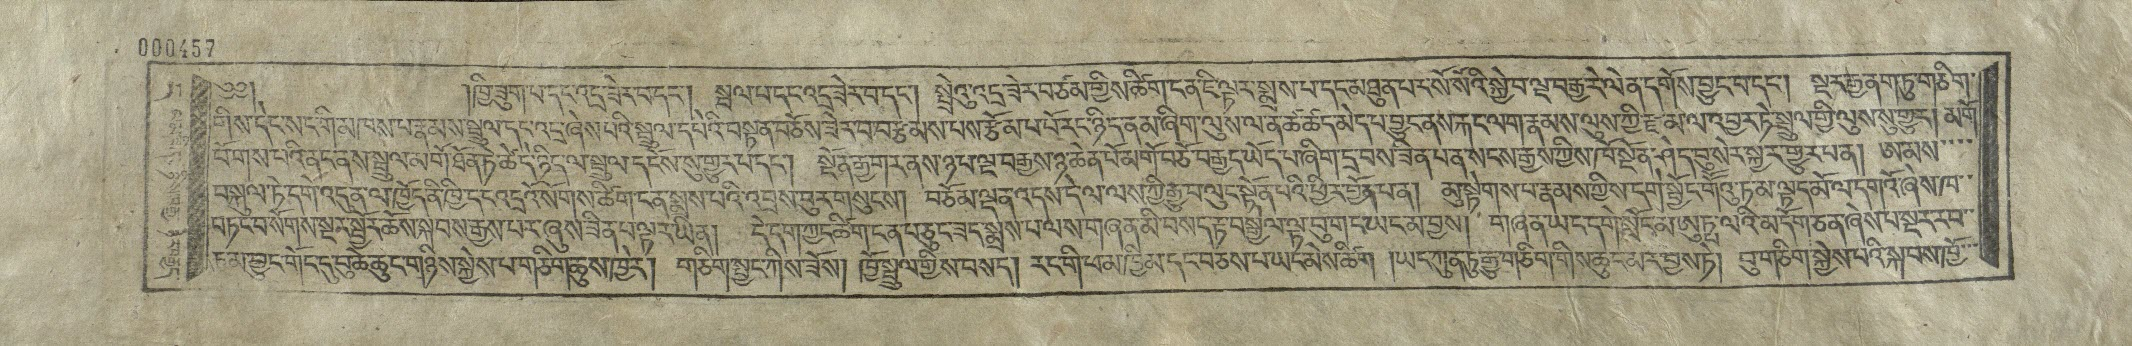༄༅། །ཁྱི་ཟུག་པ་དང་འདྲ་ཟེར་བ་དང་། སྦལ་པ་དང་འདྲ་ཟེར་བ་དང་། སྤྲེའུ་འདྲ་ཟེར་བ་ཙམ་གྱིས་ཚིག་ངན་ཇི་ལྟར་སྨྲས་པ་དང་མཐུན་པར་སོ་སོའི་སྐྱེ་བ་ལྔ་བརྒྱ་རེ་ལེན་དགོས་བྱུང་བ་དང་། སྔར་རྒྱ་ནག་ཏུ་གཅིག་
གིས་དེང་སང་གི་མཁས་པ་རྣམས་སྦྲུལ་དང་འདྲ་ཞེས་པའི་སྦྲུལ་དཔེའི་བསྟན་བཅོས་ཟེར་བ་བརྩམས་པས་རྩོམ་པ་པོ་རང་ཉིད་ནམ་ཞིག་ལུས་ལ་ན་ཚ་ཚད་མེད་པ་བྱུང་ནས་རྐང་ལག་རྣམས་ལུས་ཀྱི་རྫ་མ་ལ་འབྱར་ཏེ་སྦྲུལ་གྱི་ལུས་སུ་གྱུར། མགོ་
བོ་གས་པའི་ནང་ནས་སྦྲུལ་མགོ་ཐོན་ཏེ་ཚེ་དེ་ཉིད་ལ་སྦྲུལ་དངོས་སུ་གྱུར་པ་དང་། སྔོན་རྒྱ་གར་ནས་ཉ་པ་ལྔ་བརྒྱས་ཉ་ཆེན་པོ་མགོ་བཅོ་བརྒྱད་ཡོད་པ་ཞིག་དྲ་བས་ཟིན་པ་ན་སངས་རྒྱས་ཀྱིས་ཁོ་སྔོན་ཤེད་བུ་སེར་སྐྱར་གྱུར་པ་ན། ཨ་མས་
བསྐུལ་ཏེ་དགེ་འདུན་ལ་ཁྱོད་ནི་ཁྱི་དང་འདྲའོ་སོགས་ཚིག་ངན་སྨྲས་པའི་འབྲས་བུར་གསུངས། བཅོམ་ལྡན་འདས་དེ་ལ་ལས་ཀྱི་རྒྱུ་བ་ལུང་སྟོན་པའི་ཕྱིར་བྱོན་པ་ན། མུ་སྟེགས་པ་རྣམས་ཀྱིས་དགེ་སྦྱོང་གཽའུ་ཏ་མ་ལྟད་མོ་ལ་དགའོ་ཞེས་ཁ་
བཏང་བ་སོགས་སྔར་སྦྱོར་ཆོས་སྐབས་རྒྱས་པར་ཞུས་ཟིན་པ་ལྟར་ཡིན། དེ་དག་ཀྱང་ཚིག་ངན་པ་ཅུང་ཟད་སྨྲས་པ་ལས་གཞན་མི་བསད་རྟ་བསྒྱེལ་ལྟ་བུ་གང་ཡང་མ་བྱས། གཞན་ཡང་དགེ་སློང་མ་ཨུཏྤ་ལའི་མདོག་ཅན་ཞེས་པ་སྔར་རབ་
ཏུ་མ་བྱུང་གོང་དུ་བུ་ཆེ་ཆུང་གཉིས་སྐྱེས་པ་གཅིག་ཆུས་ཁྱེར། གཅིག་སྤྱང་ཀིས་ཟོས། ཁྱོ་སྦྲུལ་གྱིས་བསད། རང་གི་ཕ་མ་ཁྱིམ་དང་བཅས་པ་ཡང་མེས་ཚིག་ཡང་ཀུན་ཏུ་རྒྱུ་གཅིག་གིས་ཆུང་མར་བྱས་ཏེ། བུ་གཅིག་སྐྱེས་པའི་སྐབས་ཁྱོ་